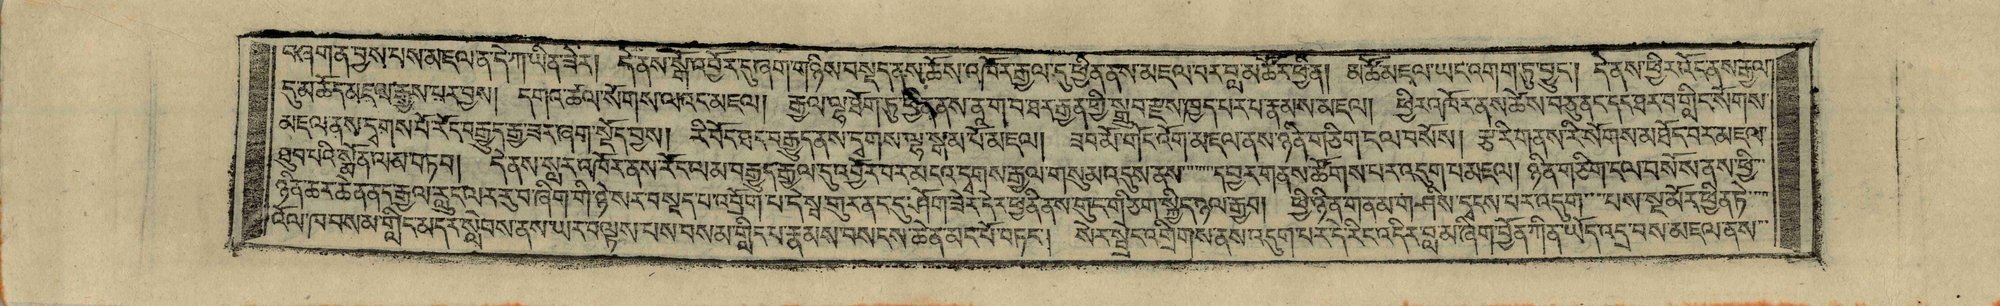བཞག་ན་བྱས་པས་མཇལ་ན་དེ་ཀ་ཡིན་ཟེར། དེ་ནས་སྒོ་འབྱོར་དུ་ཞག་གཉིས་བསྡད་ནས་ཆོས་འཁོར་རྒྱལ་དུ་ཕྱིན་ནས་མཇལ་བར་བླ་མཚོར་ཕྱིན། མཚོ་མཇལ་ཡང་འགག་ཏུ་བྱུང་། དེ་ནས་ཕྱིར་འོང་ནས་རྒྱལ་
དུ་མཆོད་མཇལ་རྒྱས་པར་བྱས། དགའ་ཚལ་སོགས་ལའང་མཇལ། རྒྱལ་ལྷ་ཐོག་ཏུ་ཕྱིན་ནས་ནཱ་ག་བ་ཐར་རྒྱན་གྱི་སྒྲུབ་རྫས་ཁྱད་པར་པ་རྣམས་མཇལ། ཕྱིར་འཁོར་ནས་ཚེས་བཅུ་ནང་དང་ཐར་བ་གླིང་སོགས་
མཇལ་ནས་དྭགས་པོ་རོང་བརྒྱུད་རྒྱ་ཟར་ཞག་སྡོད་བྱས། རི་བོང་ཐང་བརྒྱུད་ནས་དྭགས་ལྷ་སྒམ་པོ་མཇལ། ཟབ་མོ་གོང་འོག་མཇལ་ནས་ཉིན་གཅིག་ངལ་བསོས། རྩ་རི་གནས་རི་སོགས་མཐོང་བར་མཇལ་
ཐུབ་པའི་སྨོན་ལམ་བཏབ། དེ་ནས་སླར་འཁོར་ནས་རོང་ལམ་བརྒྱུད་རྒྱལ་དུ་འབྱོར་བར་མངའ་དྭགས་རྒྱལ་གསུམ་འདུས་ནས་དབྱར་གནས་ཚོགས་པར་འདུག་པ་མཇལ། ཉིན་གཅིག་ངལ་བསོས་ནས་ཕྱི་
ཉིན་ཆར་ཆེན་ནང་རྒྱལ་རླུང་ལར་རུ་བ་ཞིག་གི་ཉེ་སར་བསྡད་པ་འབྲོག་པ་དེ་སྦ་གུར་ནང་དུ་ཤོག་ཟེར་དེར་ཕྱིན་ནས་གུང་གི་ཅག་སྐྱིད་ཉལ་རྒྱབ། ཕྱི་ཉིན་གནམ་གཤིས་དྭངས་པར་འདུག་པས་སྔ་མོར་ཕྱིན་ཏེ་
འོལ་ཁ་བསམ་གླིང་མདར་སླེབས་ནས་ཡར་བལྟས་པས་བསམ་གླིང་པ་རྣམས་བསངས་ཆེན་མང་པོ་བཏང་། སེར་སྦྲེང་འགྲིགས་ནས་འདུག་པར་དེ་རིང་འདིར་བླ་མ་ཞིག་བྱོན་ཀིན་ཡོད་འདྲ་བས་མཇལ་ནས་